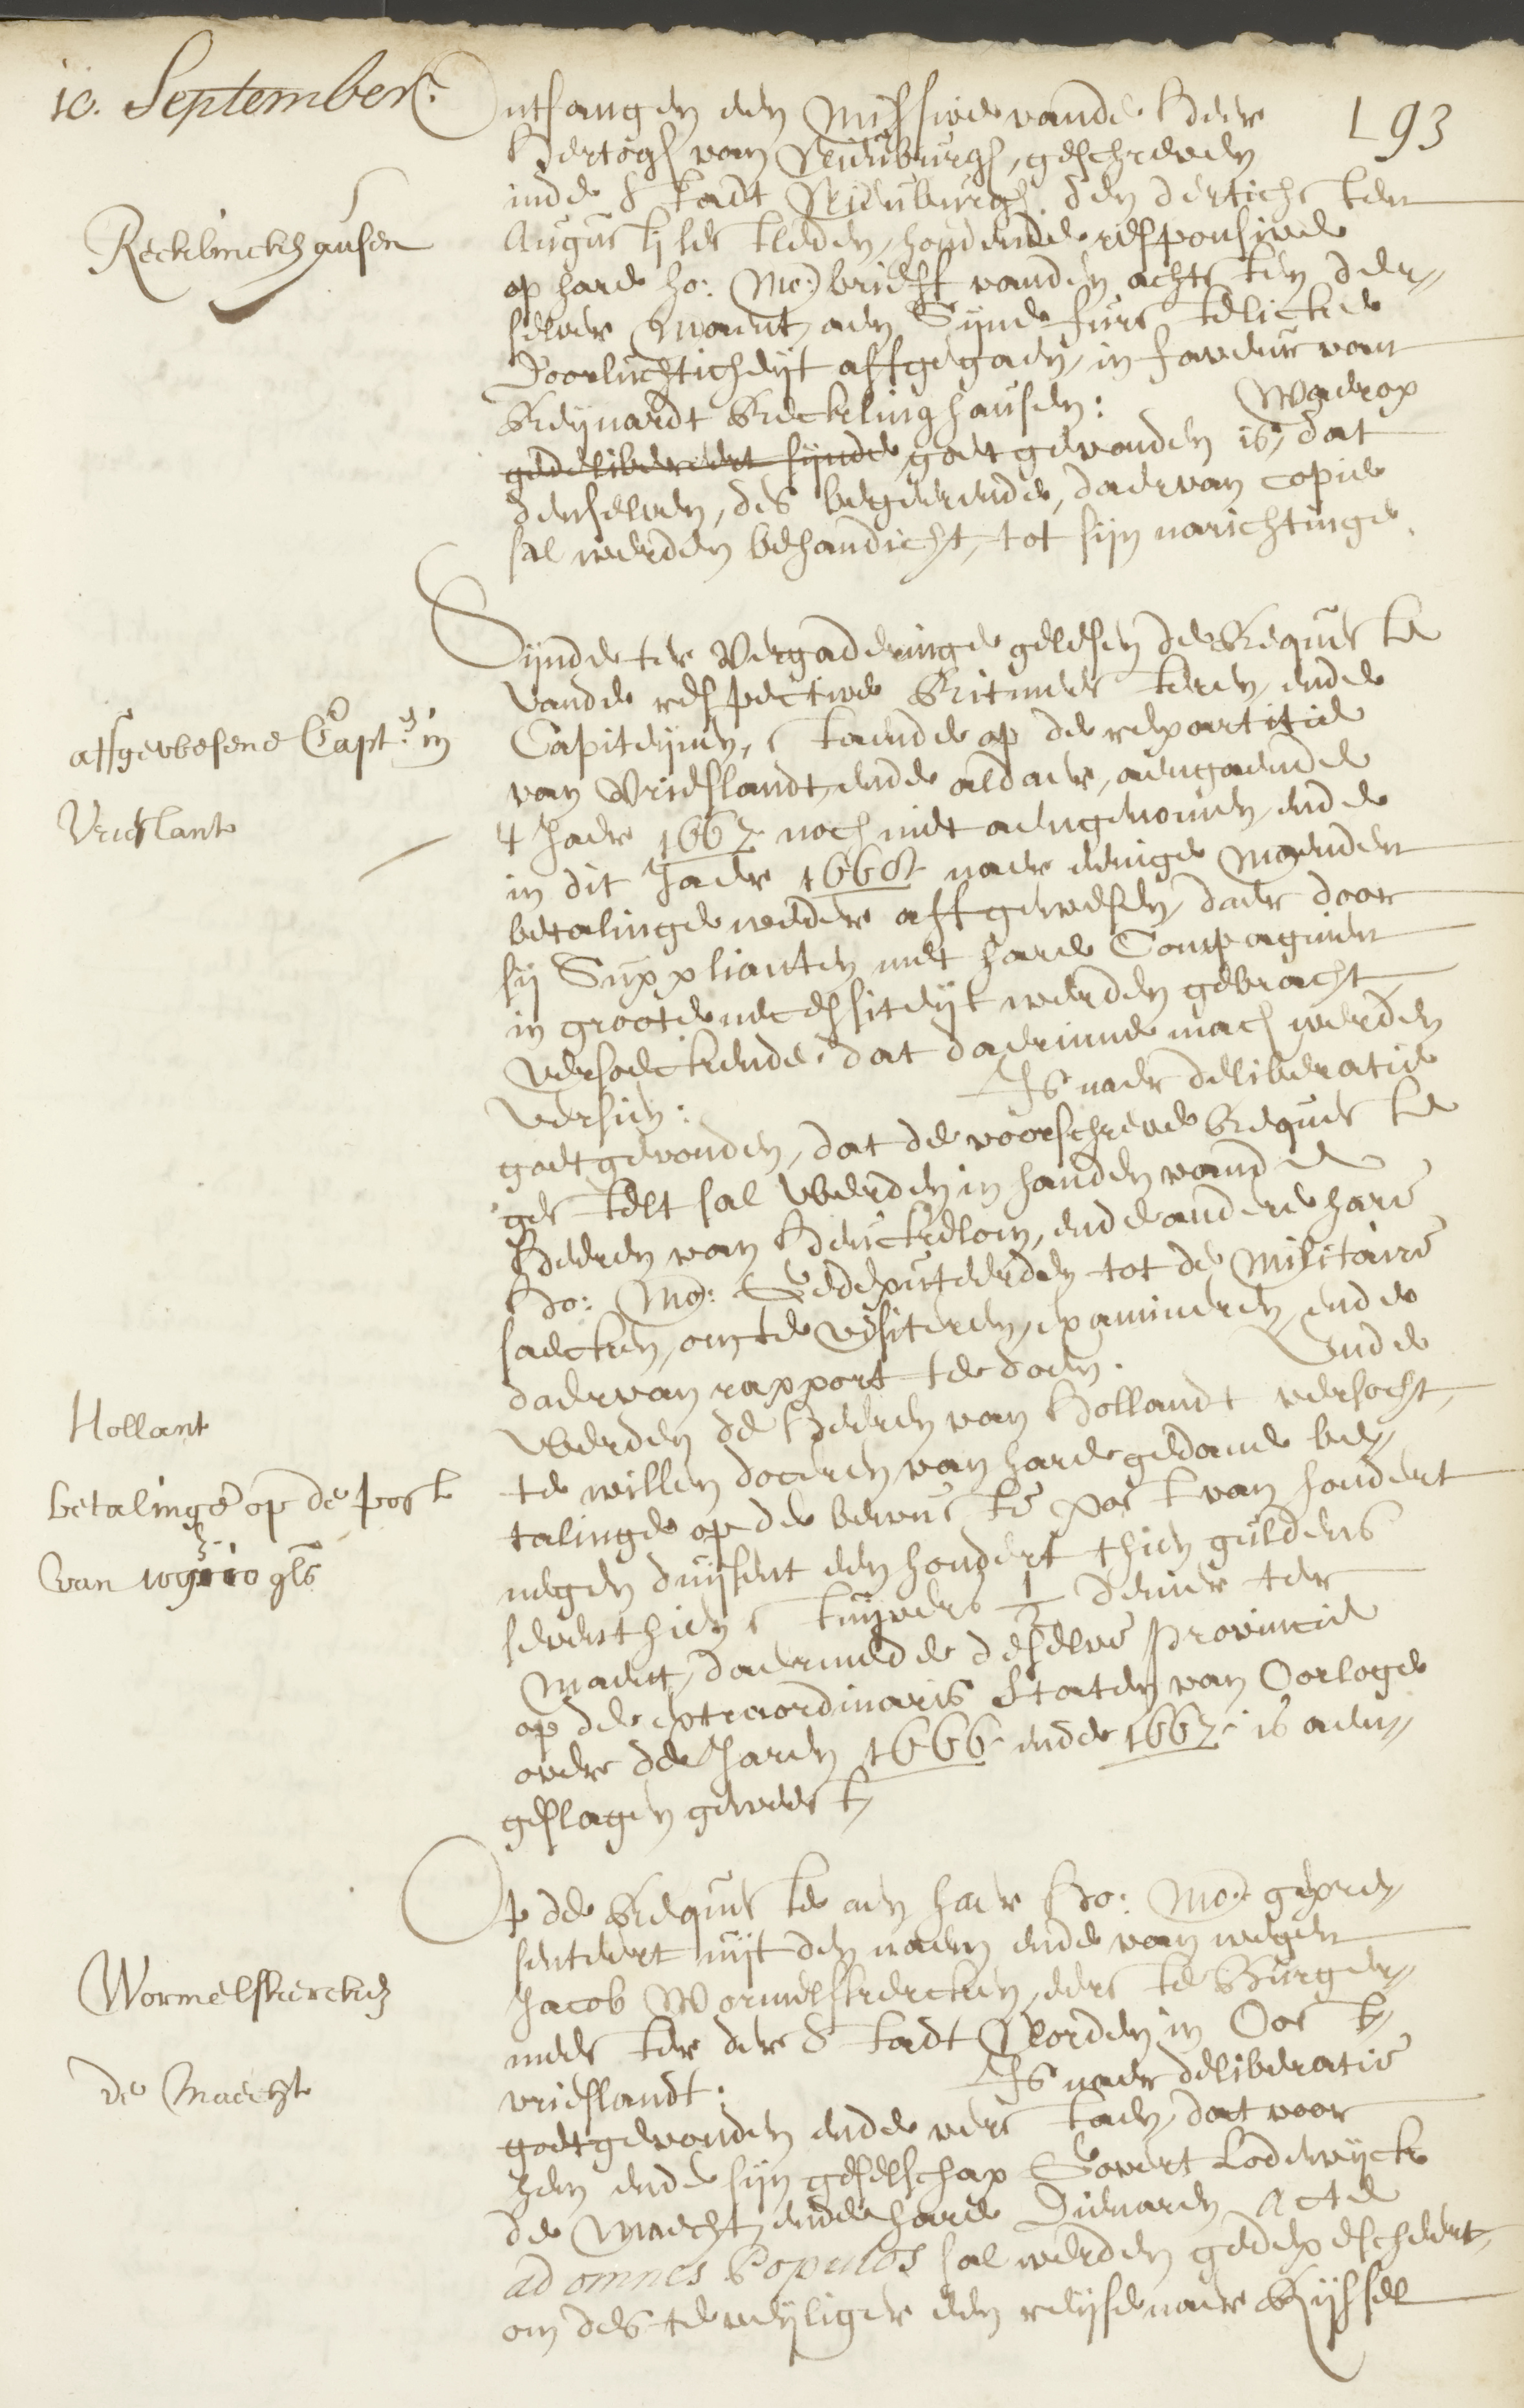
193
10. September.
Recklinckhausen
Ontfangen een missive vande Heer
Hertogh van Nieuburgh, geschreven
inde Stadt Nieuburgh, den dertichsten
Augusti lestleden, houdende responsive
op hare ho:Mo: brieff vanden achtsten der„
selver Maent, aen Sijne furstelicke
Doorluchticheijt affgegaen, in faveur van
Reijnardt Recklinghausen: Waerop
gedelibereert sijnde goetgevonden is, dat
denselven, des begeerende, daervan copie
sal werden behandicht, tot sijn narichtinge.
affgewesene Capten. in
Vrieslant
Hollant
betalinge op de post
van 109000 gls.
Sijnde ter Vergaderinge gelesen de Requeste
vande respective Ritmeesteren, ende
Capiteijnen, staende op de repartitie
van Vrieslandt, ende aldaer, aengaende
4 Jaer 1667 noch niet aengenomen, ende
in dit Jaer 1668 naer eenige maenden
betalinge weder affgewesen, daer door
sij Supplianten met hare Compagnien
in groote necessiteijt werden gebracht
versoeckende, dat daerinne mach werden
versien: Is naer deliberatie
goetgevonden, dat de voorschreve Requeste
gestelt sal werden in handen vande
Heeren van Heuckelom, ende andere hare
Ho:Mo: Gedeputeerden tot de militaire
saecken, om te visiteren, examineren, ende
daervan rapport te doen. Ende
werden de Heeren van Hollandt versocht,
te willen doceren van hare gedane be„
talinge op de bewuste post van hondert
negen duijsent een hondert thien guldens
seventhien stuijvers ½ denier ter
maent, daermede deselve provincie
op de Extraordinaris Staten van Oorloge
over de Jaren 1666 .ende 1667. is aen„
geslagen geweest.
Wormelskercken
de Maecht
Op de Requeste aen haer Ho:Mo: gepre„
senteert uijt den naem ende van wegen
Jacob Wormelskercken, eerste Burger„
meester der Stadt Norden in Oost„
vrieslandt. Is naer deliberatie
goetgevonden ende verstaen, dat voor
hem ende sijn geselschap Govert Lodewijck
de Maecht, ende hare Dienaren, acte
ad omnes Populos sal werden gedepescheert,
om des te veijliger een reijse naer Rijssel
